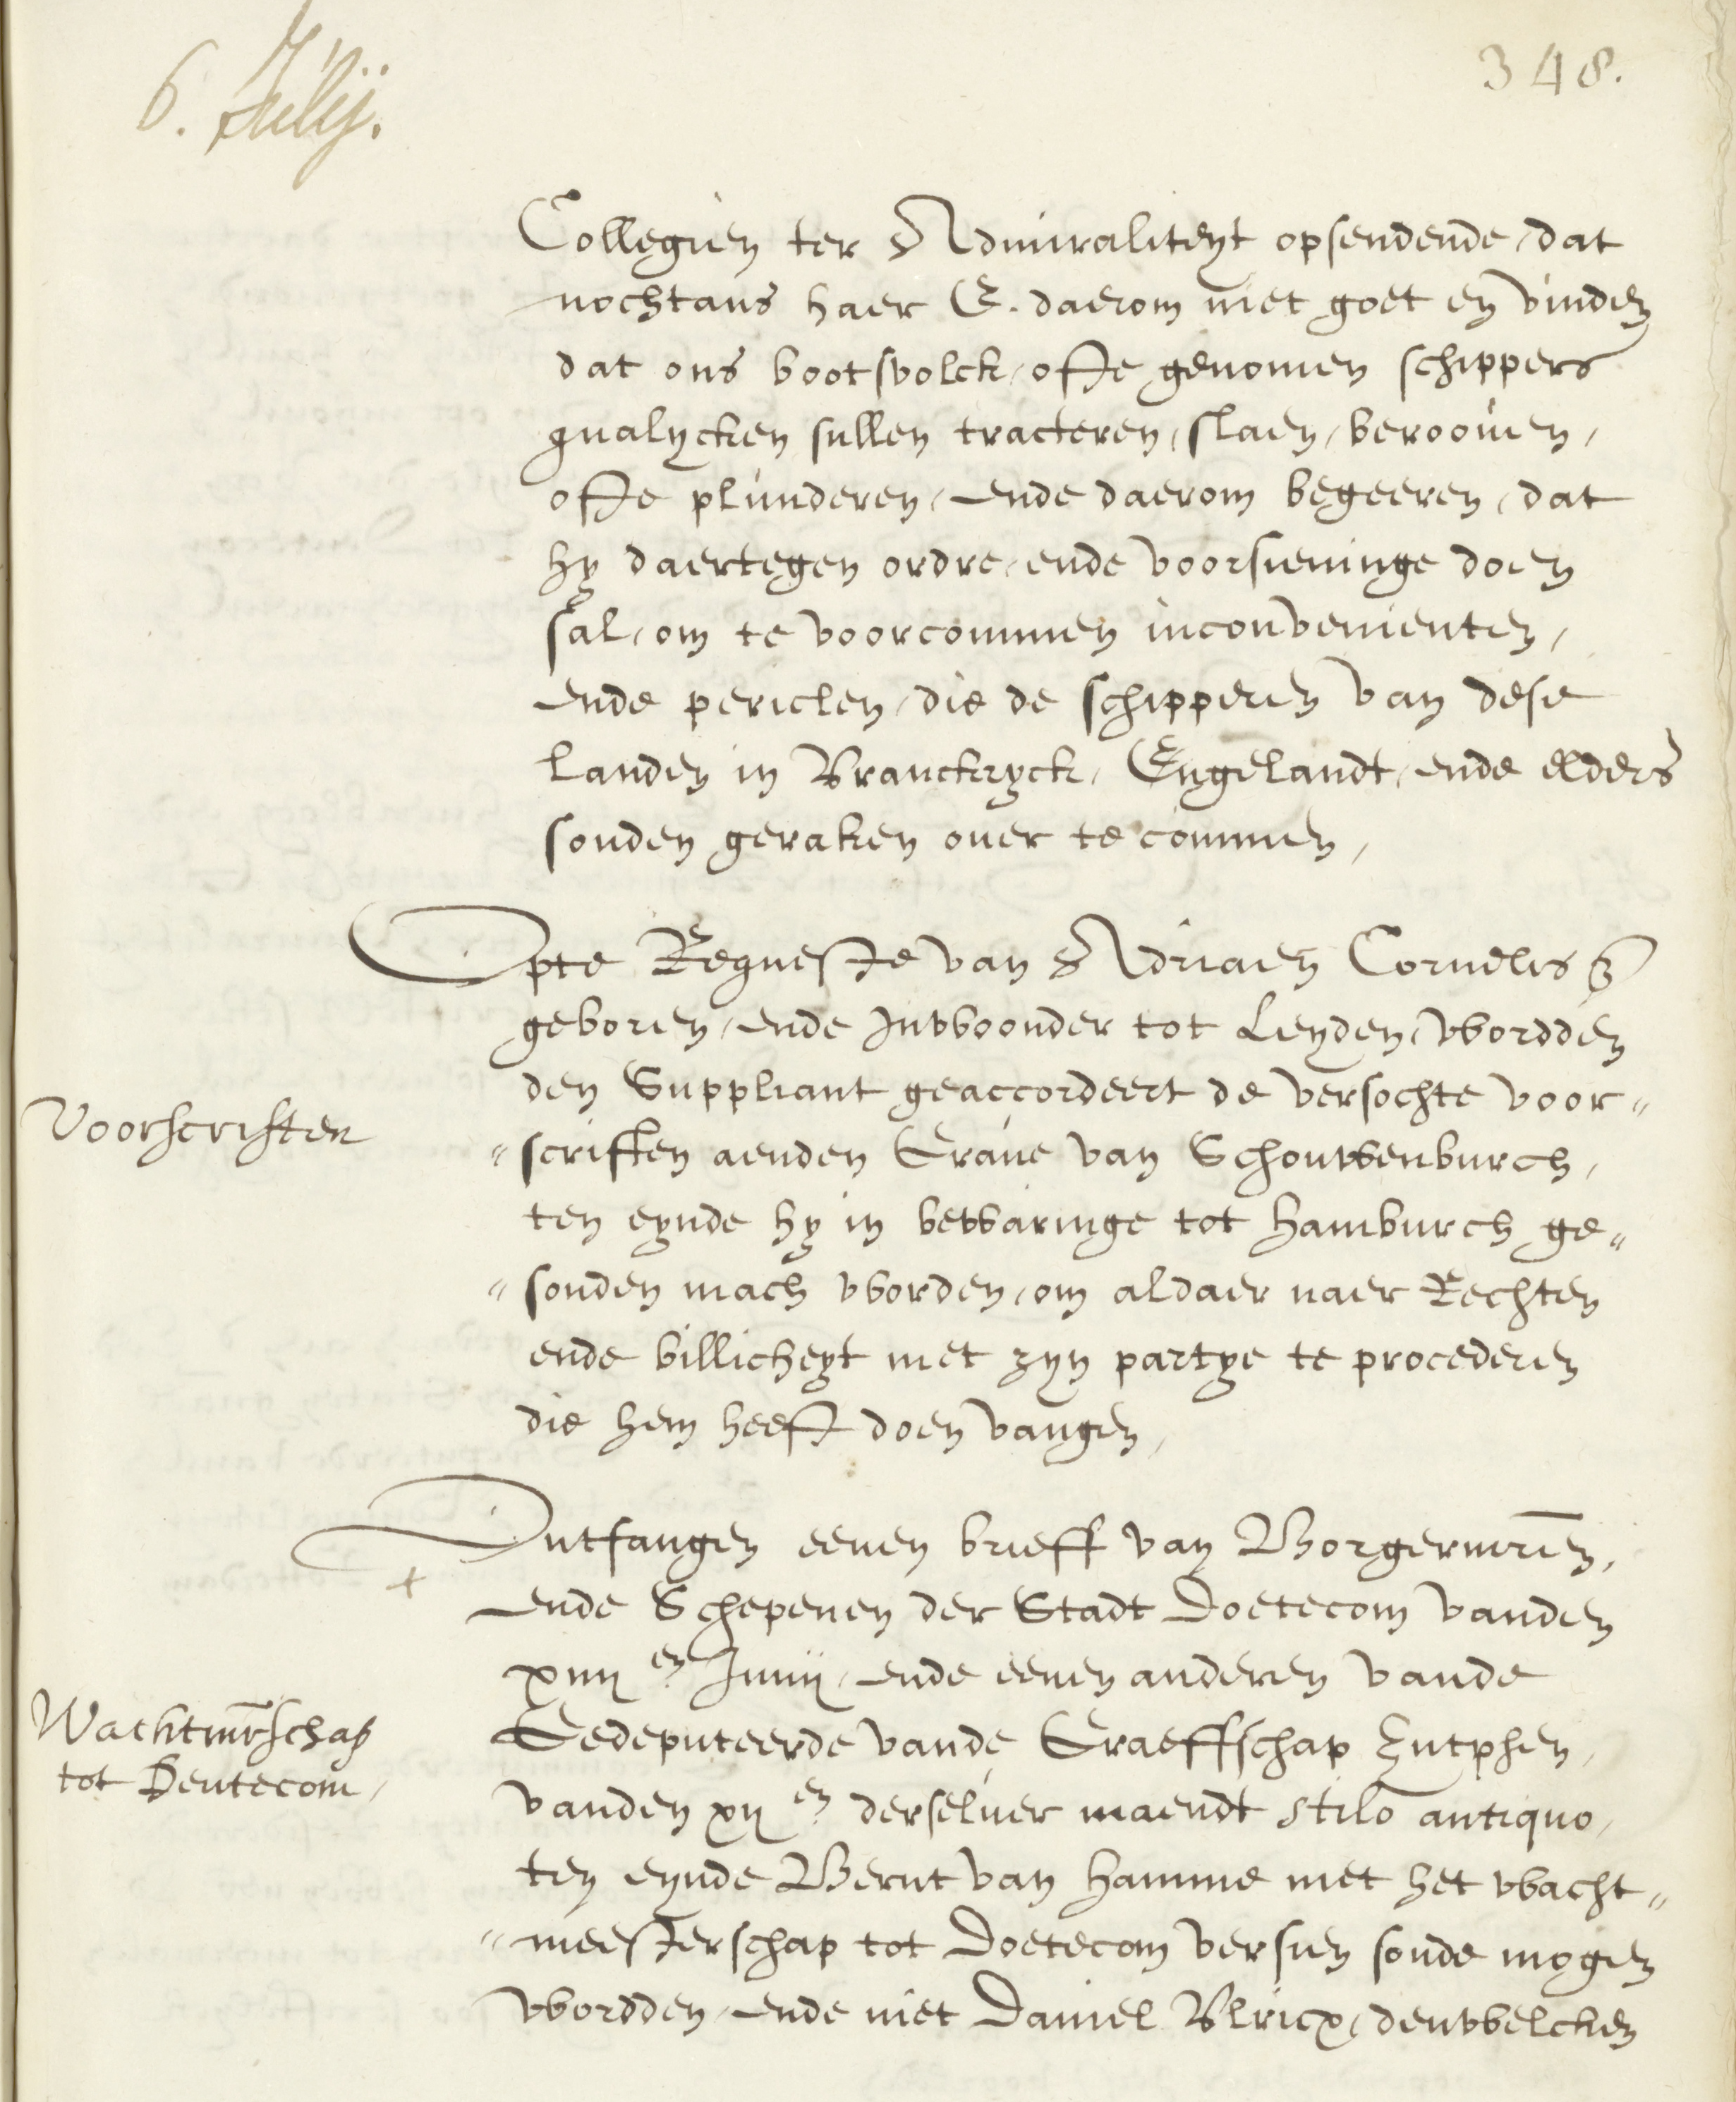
348.
6 Julij.
Collegien ter Admiraliteyt opsendende, dat
nochtans haer E. daerom niet goet en vinden
dat ons bootsvolck, ofte genomen schippers
qualycken sullen tracteren, slaen, beroouen,
ofte plunderen. Ende daerom begeeren, dat
hy daertegen ordre, ende voorsieninge doen
sal, om te voorcommen inconvenienten,
ende periclen, die de schipperen van dese
landen in Vranckryck, Engelandt, ende elders
souden geraken ouer te commen.
Voorscriften
Opte Requeste van Adriaen Cornelisz
geboren, ende inwoonder tot Leyden, wordden
den Suppliant geaccoordeert de versochte voor„
„scriften aenden Graue van Schouwenburch,
ten eynde hy in bewaringe tot hamburch ge„
„sonden mach worden, om aldaer naer Rechten
ende billicheyt met zyn partye te procederen
die hem heeft doen vangen.
Wachtmrschap
tot Deutecom.
Ontfangen eenen brieff van Borgermren,
ende Schepenen der Stadt Doetecom vanden
xiiijen Junij, ende eenen anderen vande
Gedeputeerde vande Graeffschap Zutphen,
vanden xijen derselver maendt stilo antiquo,
ten eynde Bernt van Hamme met het wacht„
„meesterschap tot Doetecom versien soude mogen
wordden, ende niet Daniel Ulricx, denwelcken
